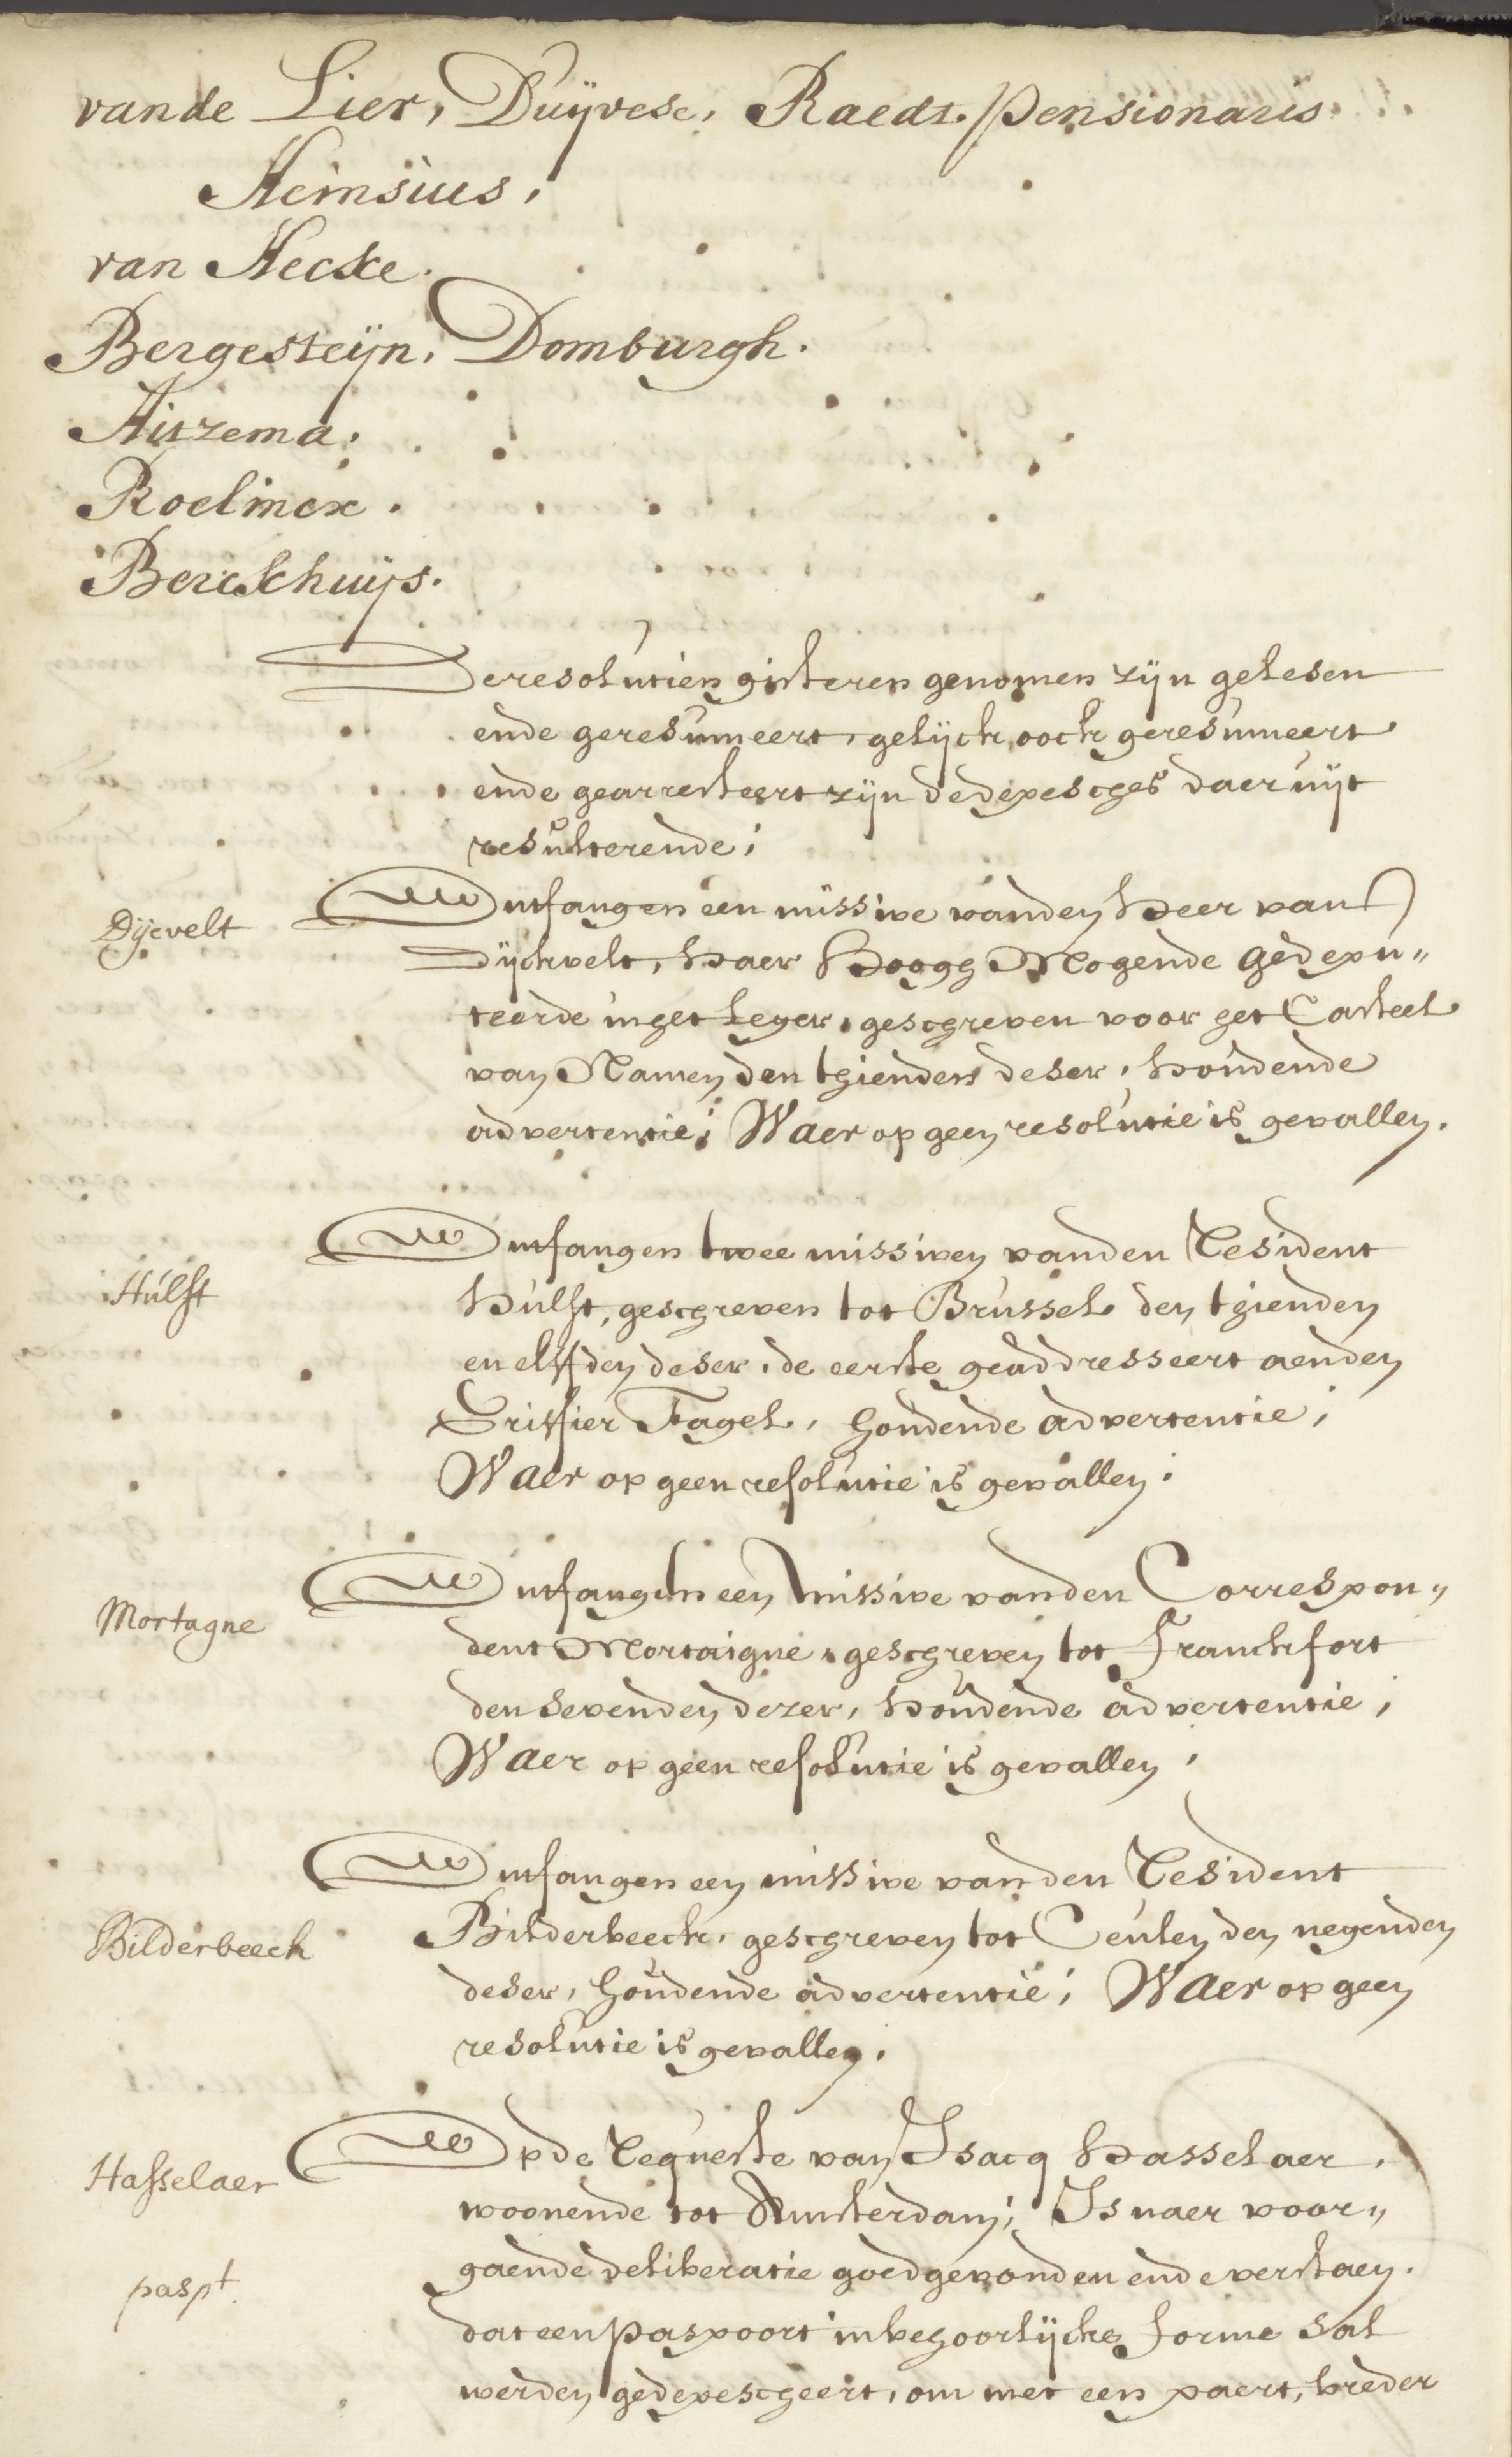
vande Lier, Duijvese, Raedt Pensionaris
Heinsius,
van Hecke
Bergesteijn, Domburgh,
Aitzema,
Roelmex,
Berckhuijs.
De resolutien gisteren genomen zijn gelesen
ende geresumeert, gelijck oock geresumeert
ende gearresteert zijn de depesches daeruijt
resulterende:
Dijcvelt
Ontfangen een missive vanden Heer van
Dijckvelt, haer Hoogh Mogende gedepu„
teerde in het leger, geschreven voor het Casteel
van Namen den thienden deser, houdende
advertentie; Waer op geen resolutie is gevallen.
Hulst
Ontfangen twee missiven vanden Resident
Hulst, geschreven tot Brussel den thienden
en elffden deser, de eerste geaddresseert aenden
Griffier Fagel, houdende advertentie,
Waer op geen resolutie is gevallen.
Mortagne
Ontfangen een missive vanden Correspon„
dent Mortaigne, geschreven tot Franckfort
den sevenden dezer, houdende advertentie,
Waer op geen resolutie is gevallen.
Bilderbeeck
Ontfangen een missive vanden Resident
Bilderbeeck, geschreven tot Ceulen den negenden
deser, houdende advertentie; Waer op geen
resolutie is gevallen.
Hasselaer
paspt.
Opde Requeste van Isacq Hasselaer,
woonende tot Amsterdam; Is naer voor„
gaende deliberatie goedgevonden ende verstaen,
dat een paspoort in behoolijcke forme sal
werden gedepescheert, om met een paert, breder
